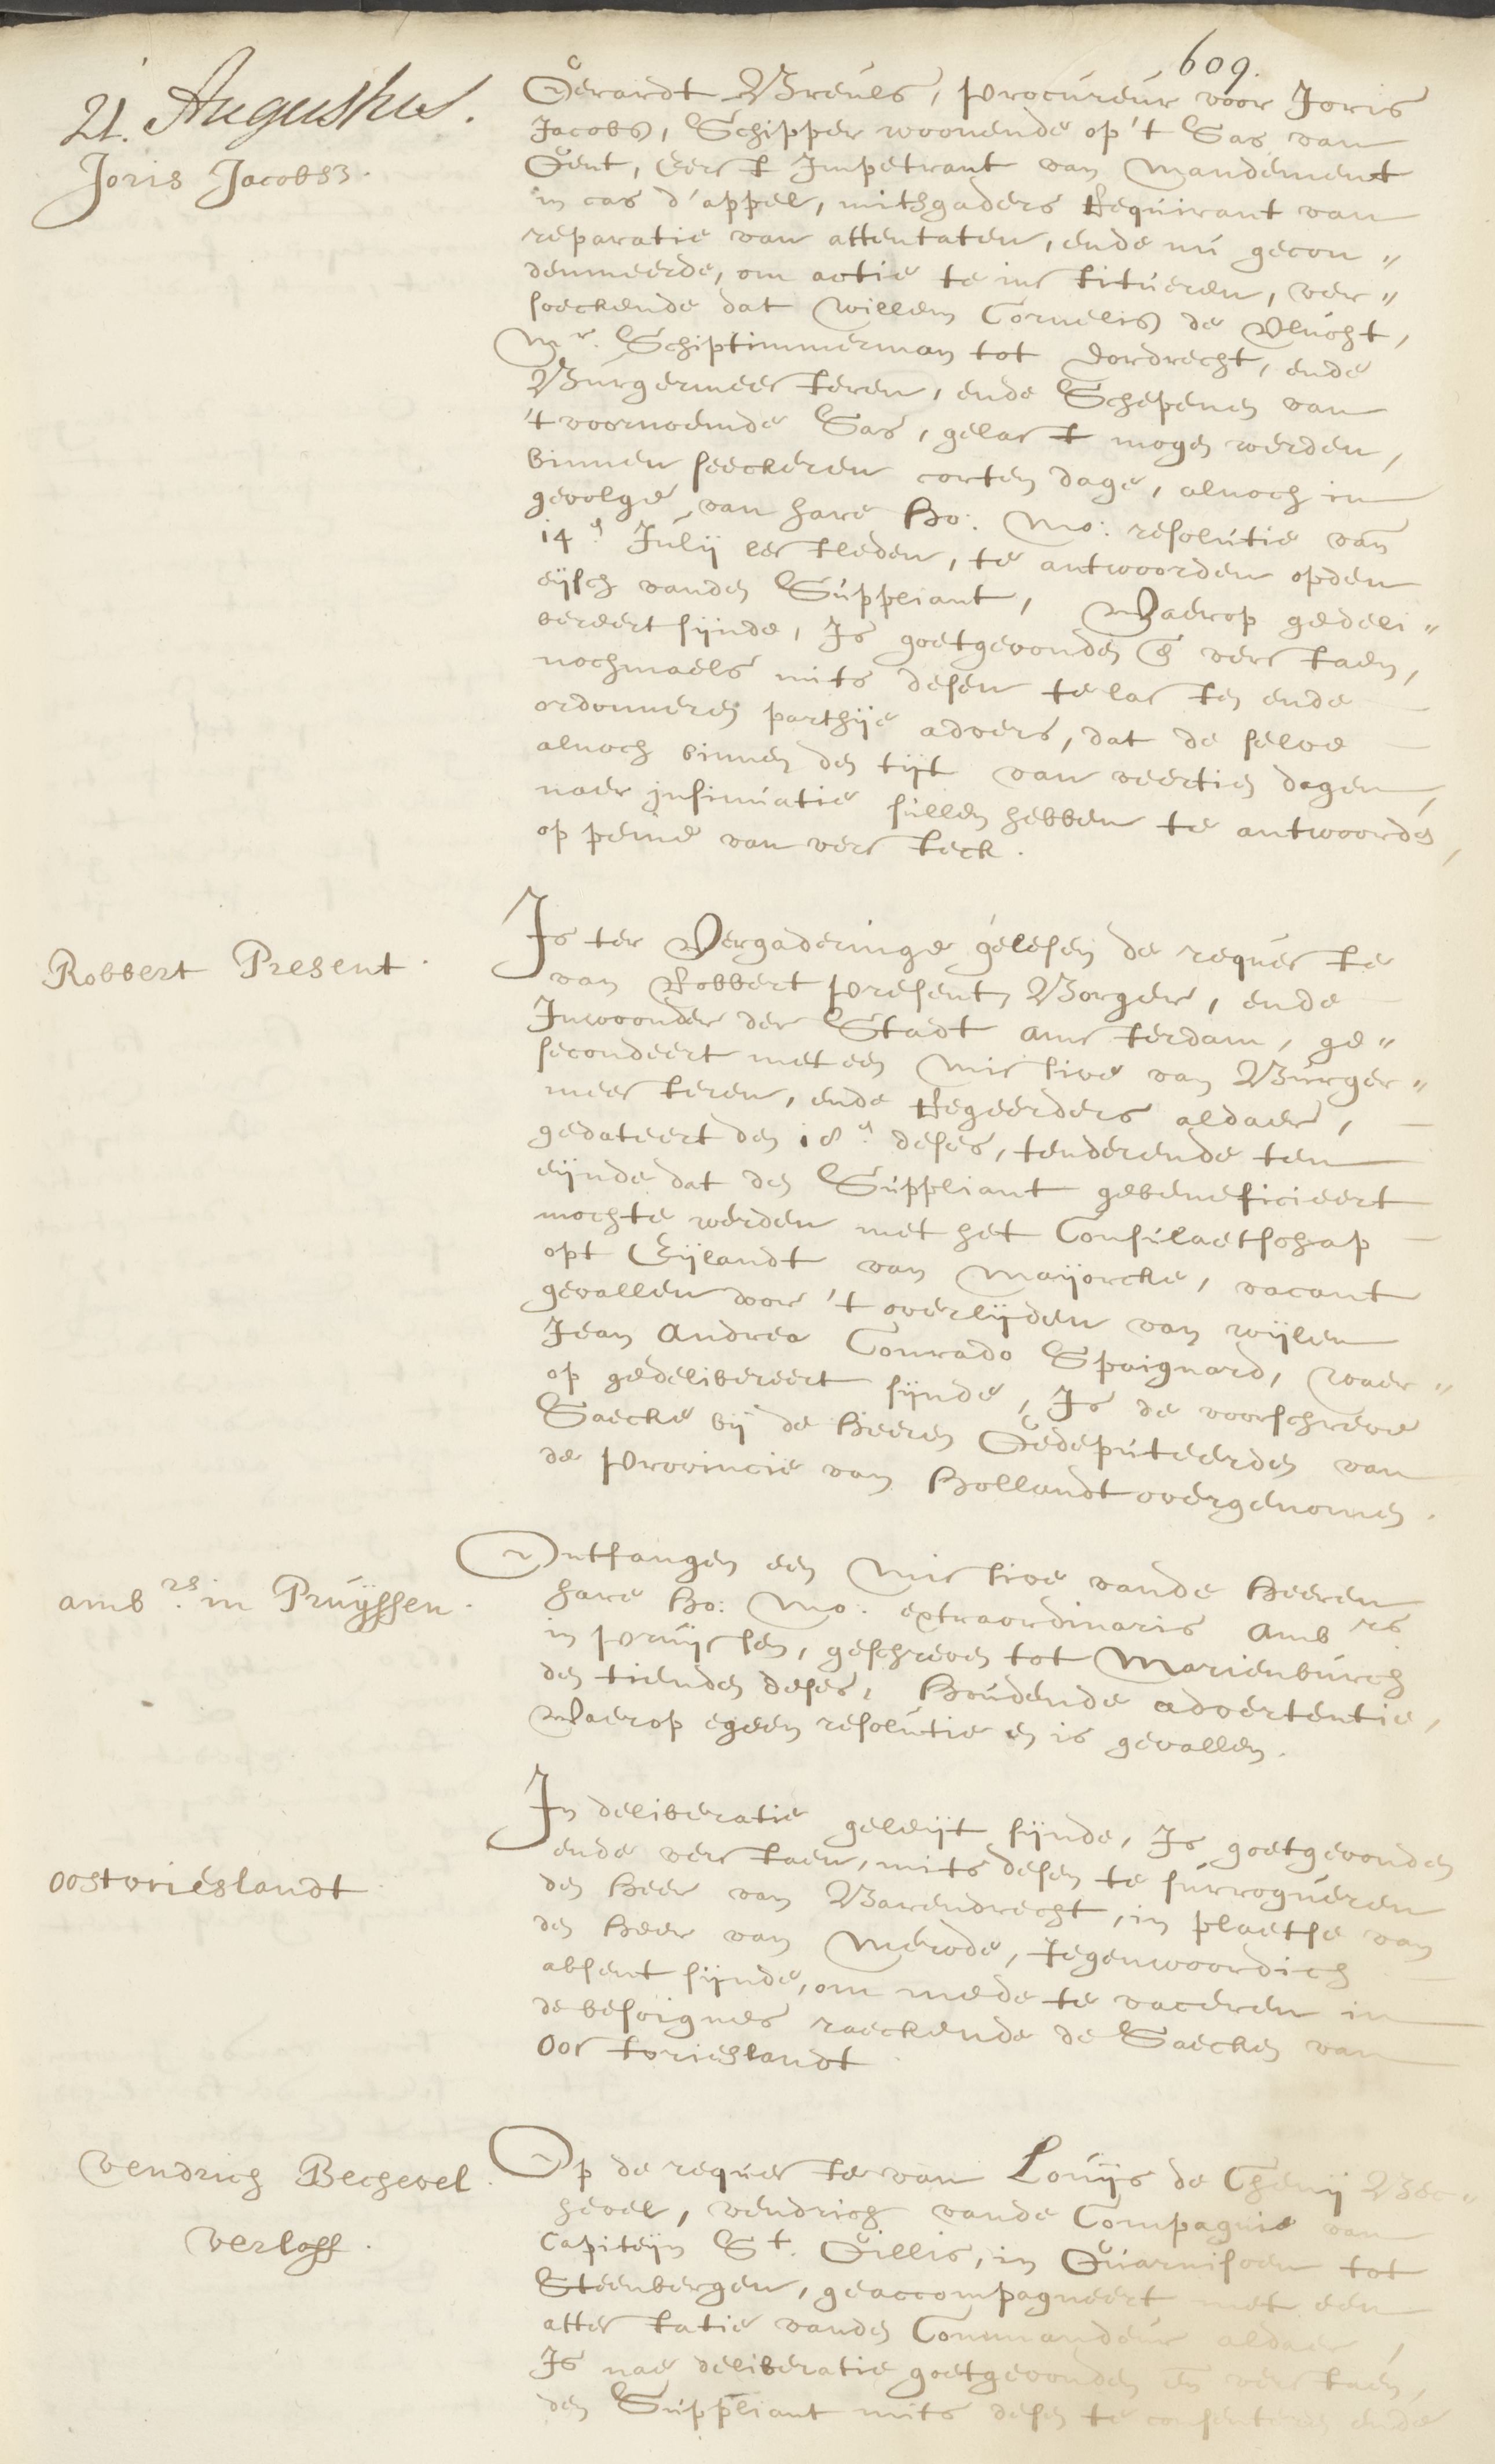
609.
21. Augustus.
Joris Jacobsz.
Gerardt Breuls, Procureur voor Joris
Jacobs, Schipper woonende op't Sas van
Gent, Eerst Impetrant van Mandement
in cas d'appel, mitsgaders Requirant van
reparatie van attentaten, ende nu gecon„
demneerde, om actie te institueren, ver„
soeckende dat Willem Cornelis de Vlucht,
Mr. Schiptimmerman tot Dordrecht, ende
Burgermeesteren, ende Schepenen van
‛t voornoemde Sas, gelast mogen werden,
binnen seeckeren corten dage, alnoch in
gevolge van hare Ho:Mo: resolutie van
14e. Julij lestleden, te antwoorden opden
eijsch vanden Suppliant. Waerop gedeli„
bereert sijnde, Is goetgevonden & verstaen,
nochmaels mits desen te lasten ende
ordonneren parthije advers, dat de selve
alnoch binnen den tijt van veertien dagen
naer insinuatie sullen hebben te antwoorden
op peine van versteck.
Robbert Present.
Is ter Vergaderinge gelesen de requeste
van Robbert Present, Borger, ende
Inwoonder der Stadt Amsterdam, ge„
secondeert met een Missive van Burger„
meesteren, ende Regeerders aldaer,
gedateert den 18e deses, tenderende ten
eijnde dat den Suppliant gebeneficieert
mochte werden met het Consulaetschap
opt Eijlandt van Maijorcke, vacant
gevallen door 't overlijden van wijlen
Jean Andrea Conrado Spaignard. waer,,
op gedelibereert sijnde, Is de voorschreve
Saecke bij de Heeren Gedeputeerden van
de provincie van Hollandt overgenomen.
ambrs. in Pruijssen.
Ontfangen een Missive vande Heeren
hare Ho:Mo: extraordinaris Ambrs.
in Pruijssen, geschreven tot Marienburch
den tienden deses, Houdende advertentie,
Waerop egeen resolutie en is gevallen.
Oostvrieslandt
In deliberatie geleijt sijnde, Is goetgevonden
ende verstaen, mits desen te surrogueren
den heer van Barendrecht, in plaetse van
den heer van Merode, Jegenwoordich
absent sijnde, om mede te vaceren in
de besoignes raeckende de Saecken van
Oostvrieslandt.
vendrich Bechevel.
verloff.
Op de requeste van Louijs de Chenij Bec„
hevel, vendrich vande Compagnie van
Capiteijn St. Gillis, in Guarnisoen tot
Steenbergen, geaccompagneert met een
attestatie vanden Commandeur aldaer
Is nae deliberatie goetgevonden en verstaen
den Suppliant mits desen te consenteren ende
